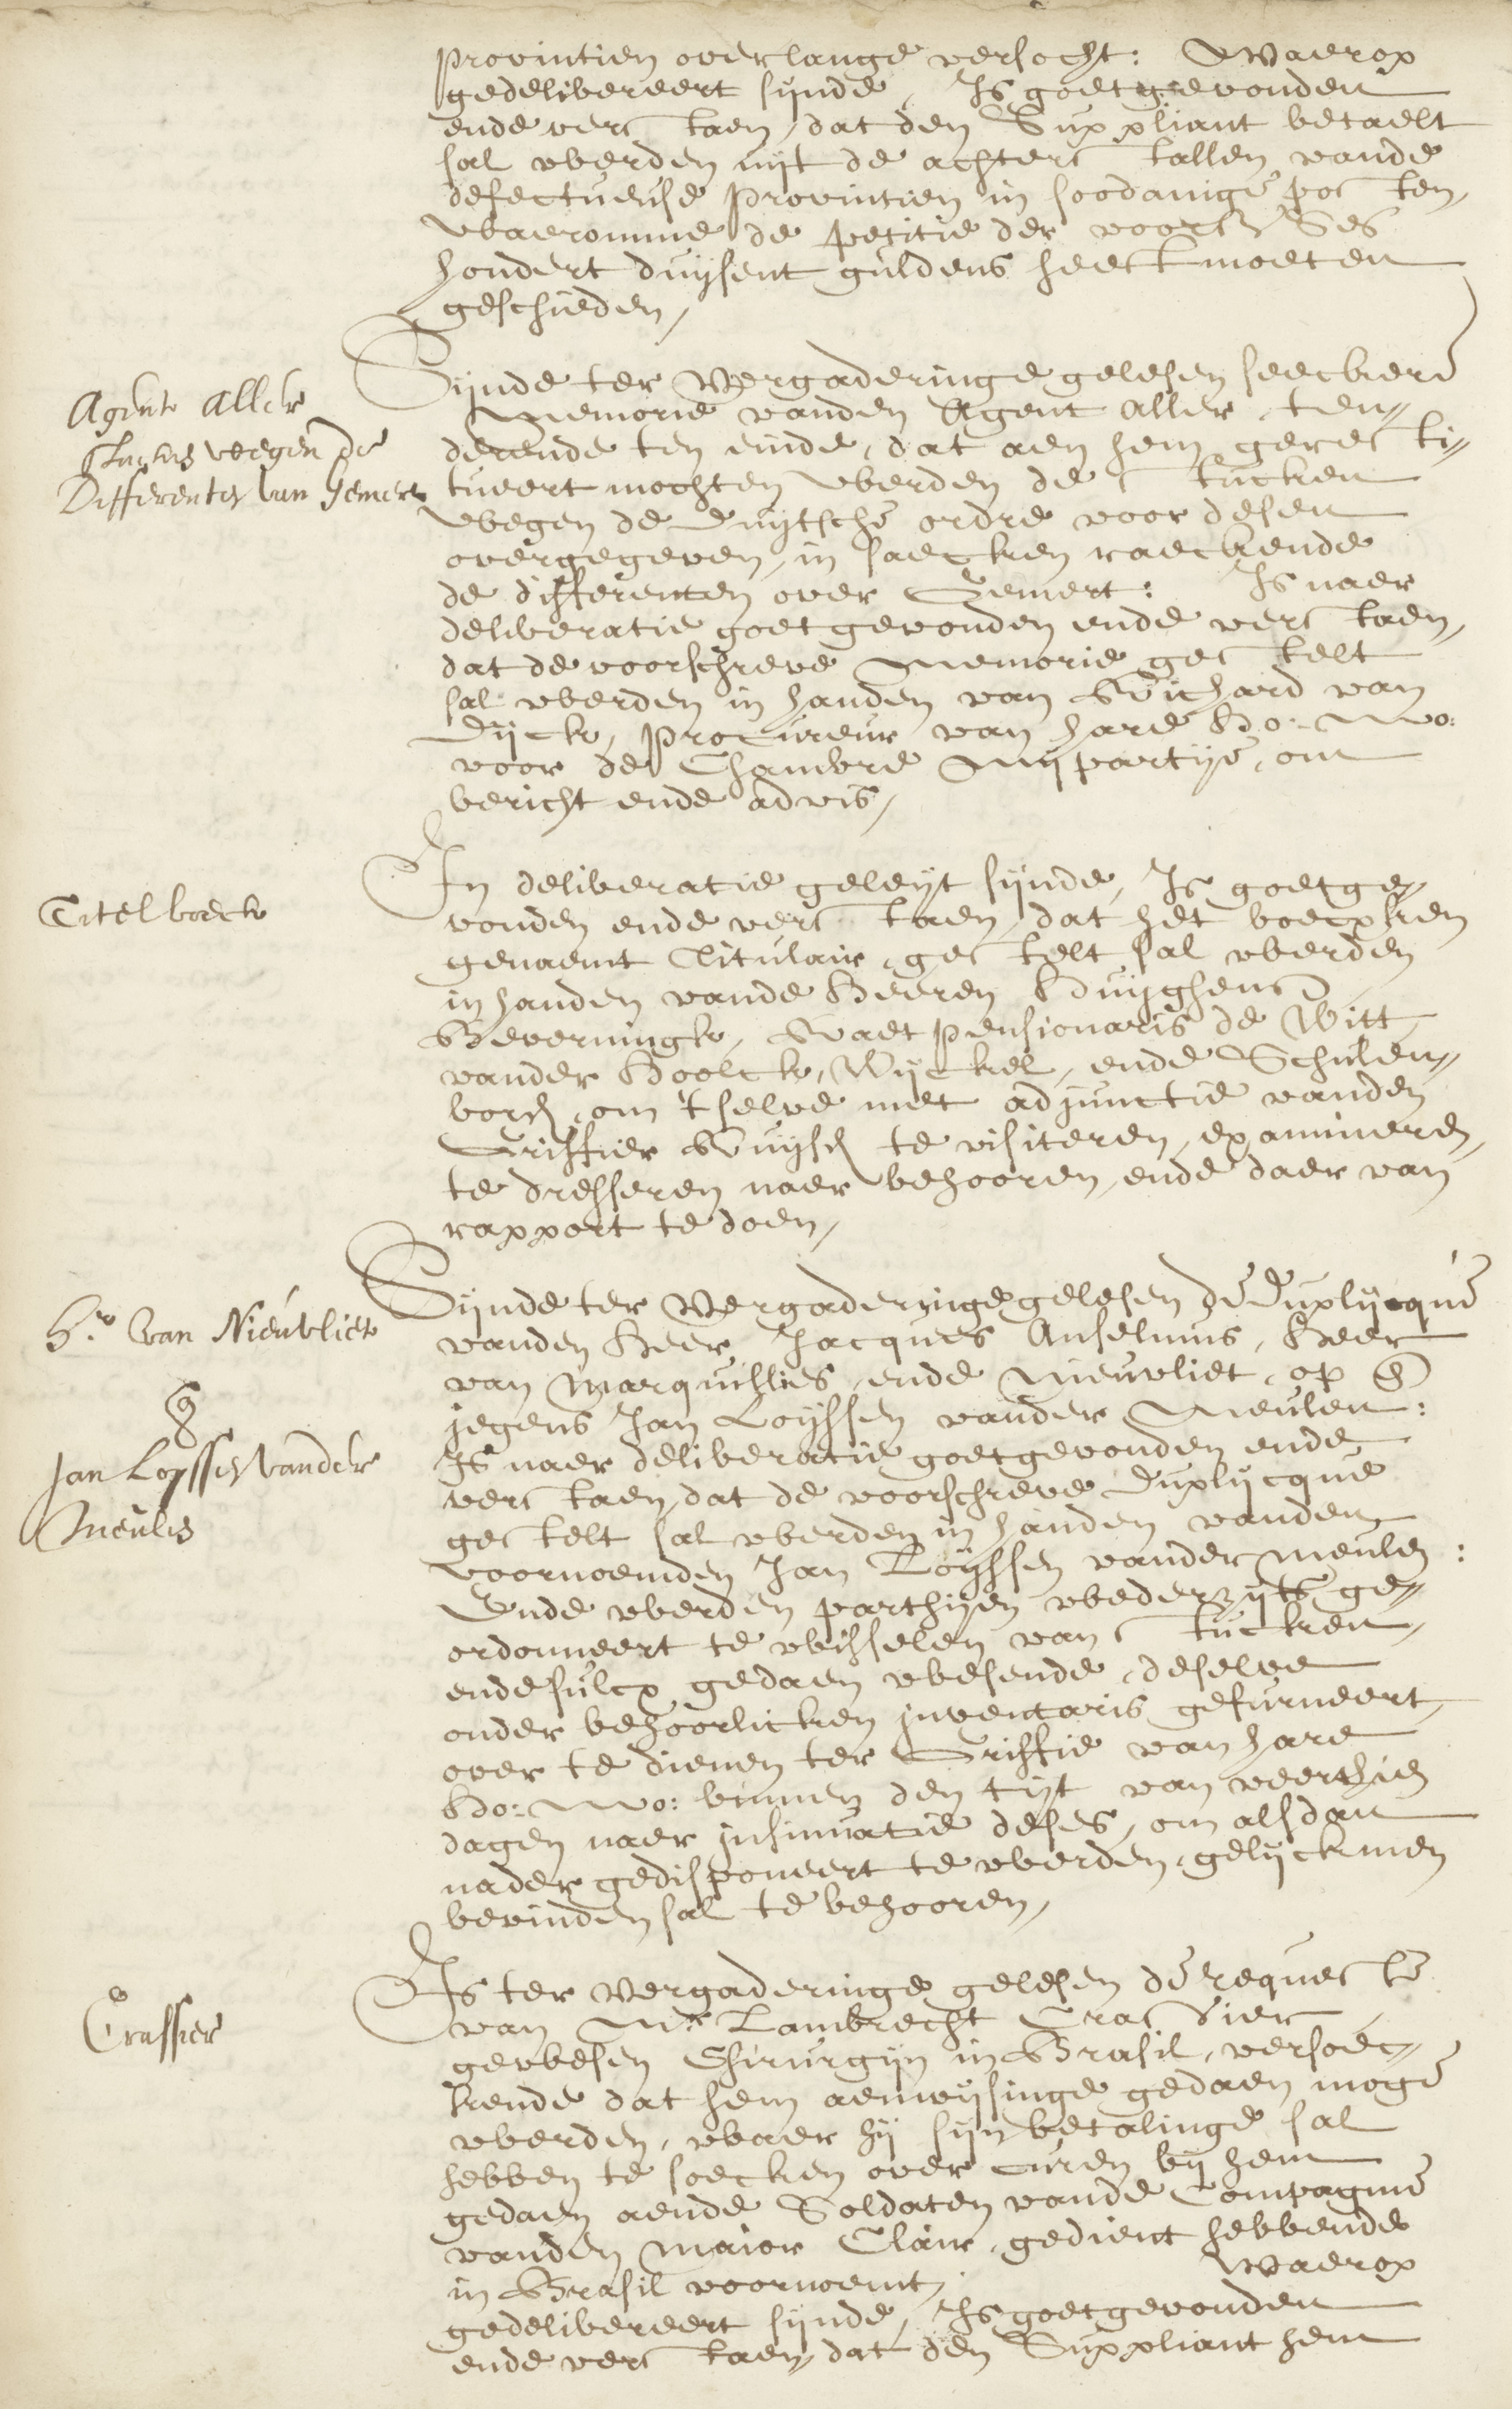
provintien over lange versocht: Waerop
gedelibeert sijnde, Is goetgevonden
ende verstaen, dat den suppliant betaelt
sal werden uijt de achterstallen vande
defectueuse provintien in soodanige posten,
waeromme de petitie der voors ses
hondert duijsent guldens heeft moeten
geschieden.
Agent Aller
stucken wegen de
Differenten van Gemert
Sijnde ter vergaderinge gelesen seeckere
memorie vanden agent Aller ten„
derende ten einde, dat aen hem geresti„
tueert mochten worden de stucken
wegen de duijtsche orde voor desen
overgegeven, in saecken raeckende
de differenten over Gemert: Is naer
deliberatie goet gevonden ende verstaen,
dat de voorschreve memorie gestelt
sal worden in handen van Richard van
Dijck, procureur van hare Ho:Mo:
voor de Chambre Mijpartije, om
bericht ende advis.
Titelboeck
In deliberatie geleijt sijnde, Is goetge„
vonden ende verstaen dat het boecxken
genaemt Titulair, gestelt sal werden
in handen vande heeren Huijghens
Beverningk, Raet pensionaris de Witt
vander Hoolck, Wijckel ende Schulen„
borch, om 't selve met adjunctie vanden
Griffier Ruijsch te visiteren, examineren,
te dresseren naer behooren ende daer van
rapport te doen.
Hr. van Nieuvliet
&
Jan Loyssen van der
Meulen
Sijnde ter vergaderinge gelesen de duplijcque
vanden heer Jacques Anselmus, heer
van Marquillies, ende Nieuvliet, op &
jegens Jan Loijssen van der Meulen:
Is naer deliberatie goetgevonden ende
verstaen, dat de voorschreve duplijcque
gestelt sal werden in handen vanden
voornoemden Jan Loijssen van der Meulen:
Ende werden parthijen wederzijts ge„
ordonneert te wisselen van stucken
ende sulcx gedaen wesende, deselve
onder behoorlicken inventaris gefurneert
over te dienen ter Griffie van hare
Ho:Mo: binnen den tijt van veerthien
dagen naer insinuatie deses, om alsdan
nader gedisponeert te werden, gelijck men
bevinden sal te behooren.
Crassier
Is ter vergaderinge gelesen de requeste
van Mr. Lambrecht Crassier
gewesen Chirurgijn in Brasil, versoec„
kende dat hem aenwijsinge gedaen moge
werden, waer hij sijn betalinge sal
hebben te soecken over curen bij hem
gedaen aende Soldaten vande Compagnie
vanden maior Clair, gedient hebbende
in Brasil voornoemt. Waerop
gedelibereert sijnde, Is goetgevonden
ende verstaen dat den Suppliant hem
